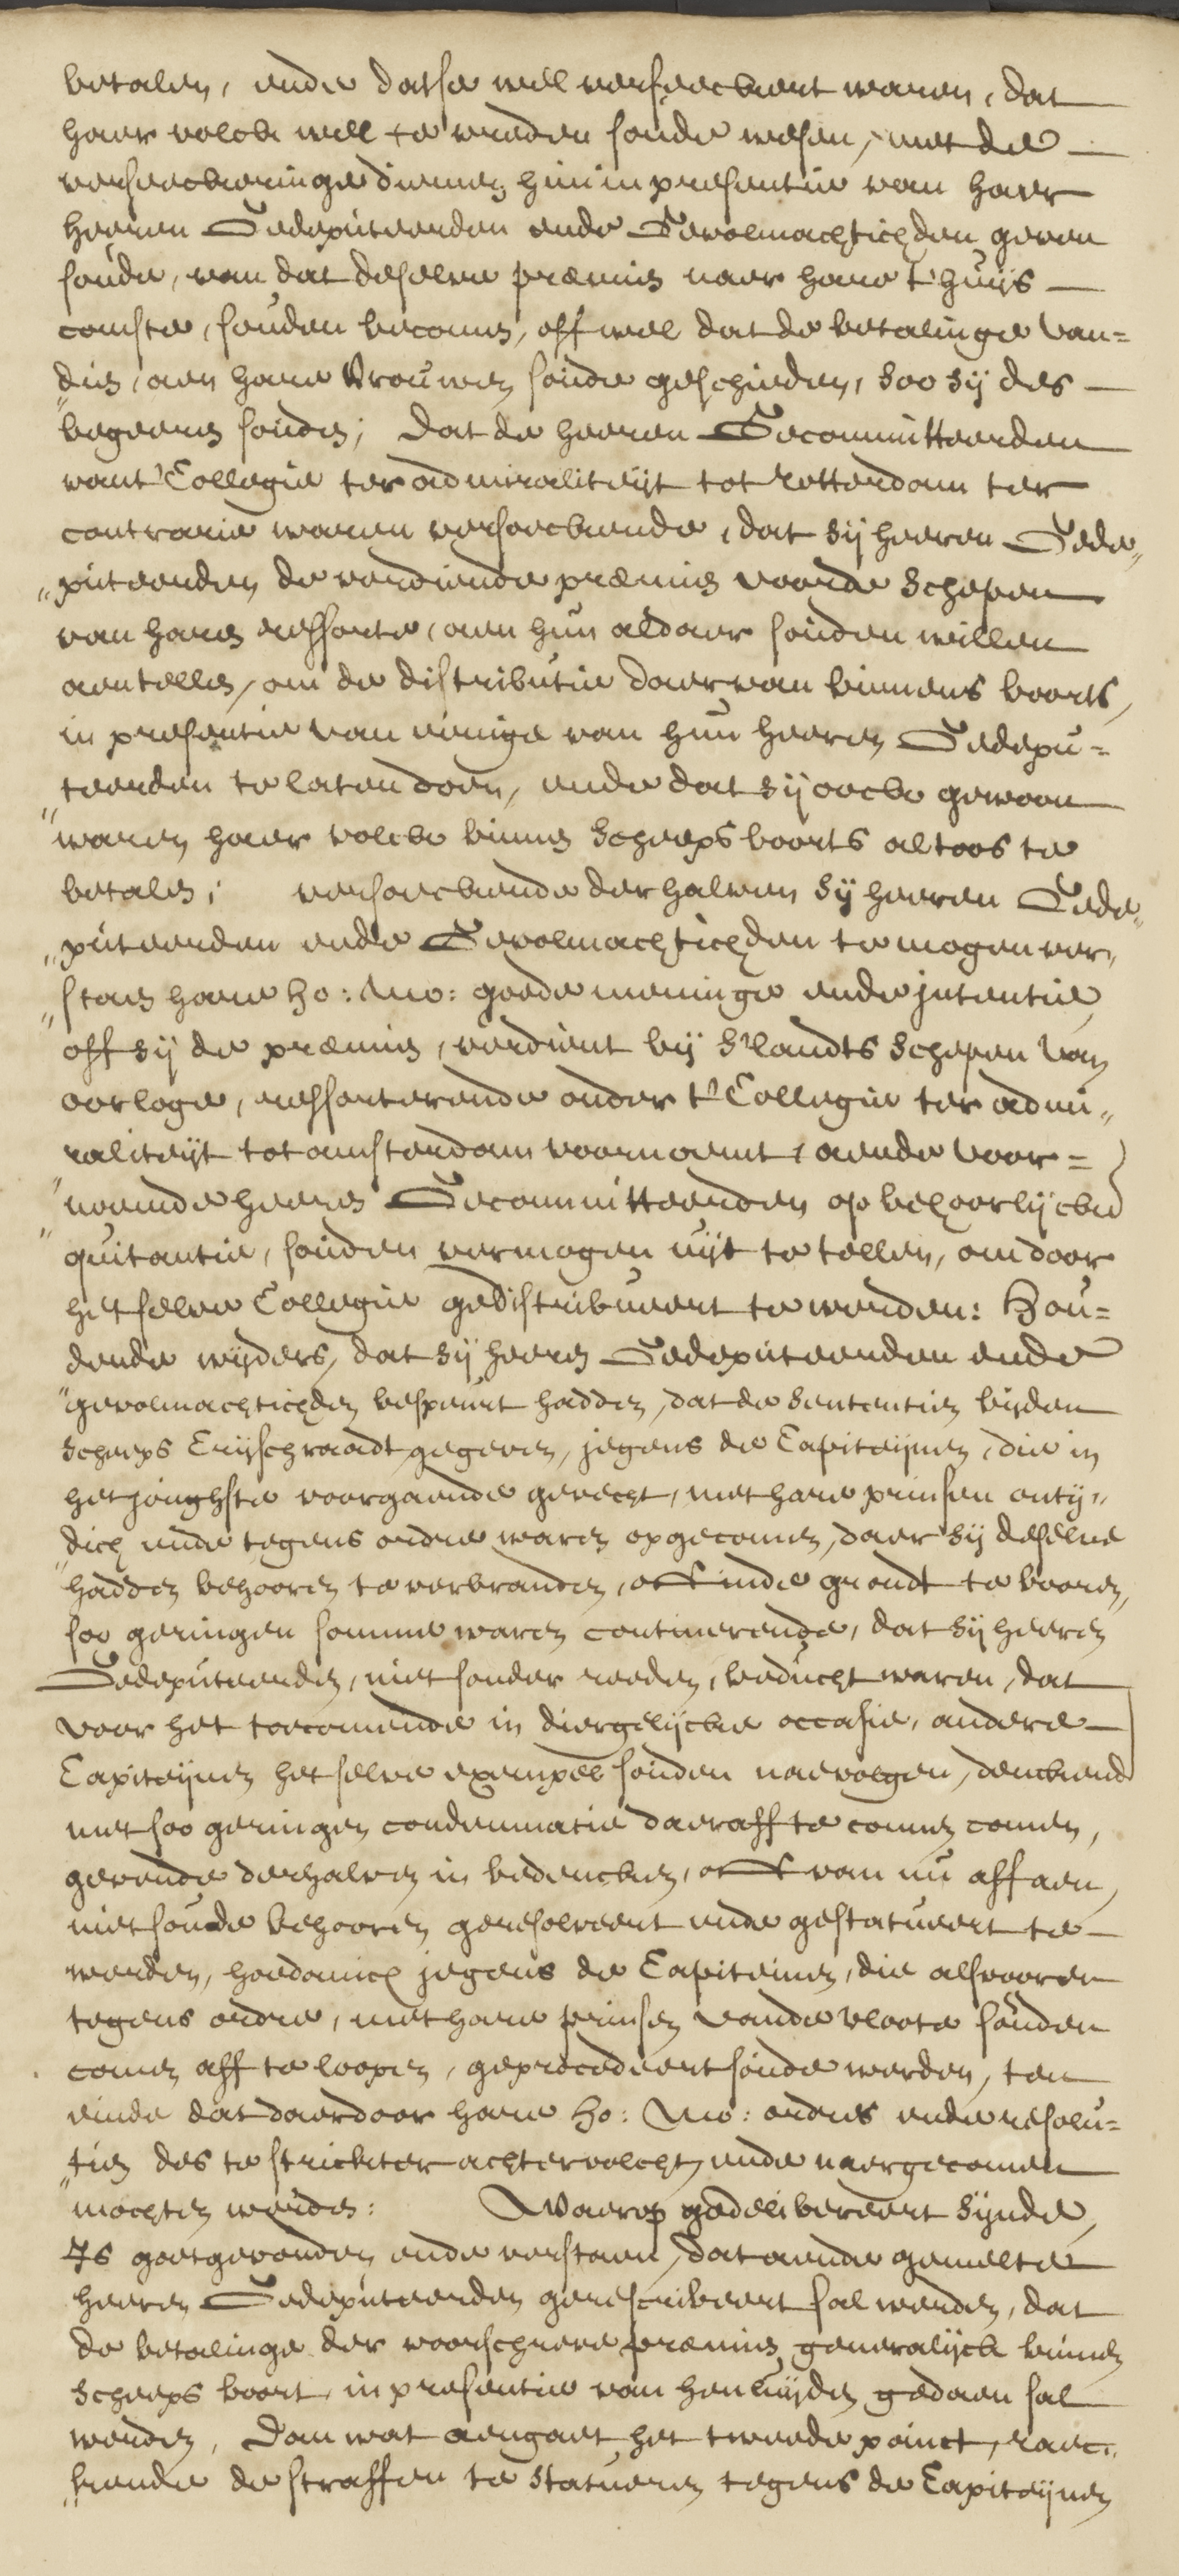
betalen, ende datse wel verseeckert waren, dat
haer volck wel te vreden soude wesen, met de —
verseeckeringe diemen hun in presentie van haer
heeren Gedeputeerden ende Gevolmachtichden geven
soude, van dat deselve premien naer hare t'huijs —
comste, souden becomen, off wel dat de betalinge van„
,,dien, aen hare vrouwen soude geschieden, soo sij des —
begeeren souden; dat de heeren Gecommitteerden
vant' Collegie ter admiraliteijt tot Rotterdam ter
contrarie waren versoeckende, dat bij heeren Gede„
,,puteerden de verdiende premien voorde schepen
van haren ressorte, aen hun aldaer souden willen
aentellen, om de distributie daervan binnens voorts,
in presentie van eenige van hun heeren Gedepu„
,,teerden te laten doen, ende dat sij oock gewoon
waren haer volck binnen Scheeps boorts altoos te
betalen; versoeckende derhalven bij heeren Gede„
,,puteerden ende Gevolmachtichden te mogen ver„
staen hare Ho:Mo: goede meninge ende intentie
off sij de premien, verdient bij s'landts schepen van
oorloge, ressorterende onder t' Collegie ter admi„
,,raliteijt tot Amsterdam voornoemt aende voor„
noemde heeren Gecommitteerden op behoorlijcke
quitantie, souden vermogen uijt te tellen, om door
hetselve Collegie gedistribueert te werden: Hou„
,,dende wijders, dat sij heeren Gedeputeerden ende
gevolmachtichden bespeurt hadden, dat de sententien bijden
scheeps Crijschraadt gegeven, jegens de Capiteijnen, die in
het jonghste voorgaende gevecht, met hare prinsen ontij„
,,dich ende tegens ordre waren opgecomen, daer hij deselve
hadden behooren te verbranden, off inde grondt te booren,
soo geringen somme waren continerende, dat hij heeren
Gedeputeerden, niet sonder reeden, beducht waren, dat
voor het toecomende in diergelijcke occasie, andere —
Capiteijnen het selve exempel souden naevolgen, denckende
met soo geringen condemnatie daeraff te connen comen,
gevende derhalven in bedencken, off van nu aff aen
niet soude behooren geresolveert ende gestatueert te
werden, hoedanich jegens de Capiteinen, die alsvooren
tegens ordre, met hare prinsen vande vloote souden
comen aff te loopen, geprocedeert soude werden, ten
einde dat daerdoor hare Ho:Mo: ordres ende resolu„
,,tien des te strickter achtervolcht ende naergecomen
mochten werden: Waerop gedelibereert sijnde,
Is goetgevonden ende verstaen, dat aende gemelte
heeren Gedeputeerden gerescribeert sal werden, dat
de betalinge der voorschreve premien generalijck binnen
scheeps boort, in presentie van henluijden gedaen sal
werden. Dan wat aengaet het tweede poinct, raec„
,,kende de straffen te statueren tegens de Capiteijnen,
